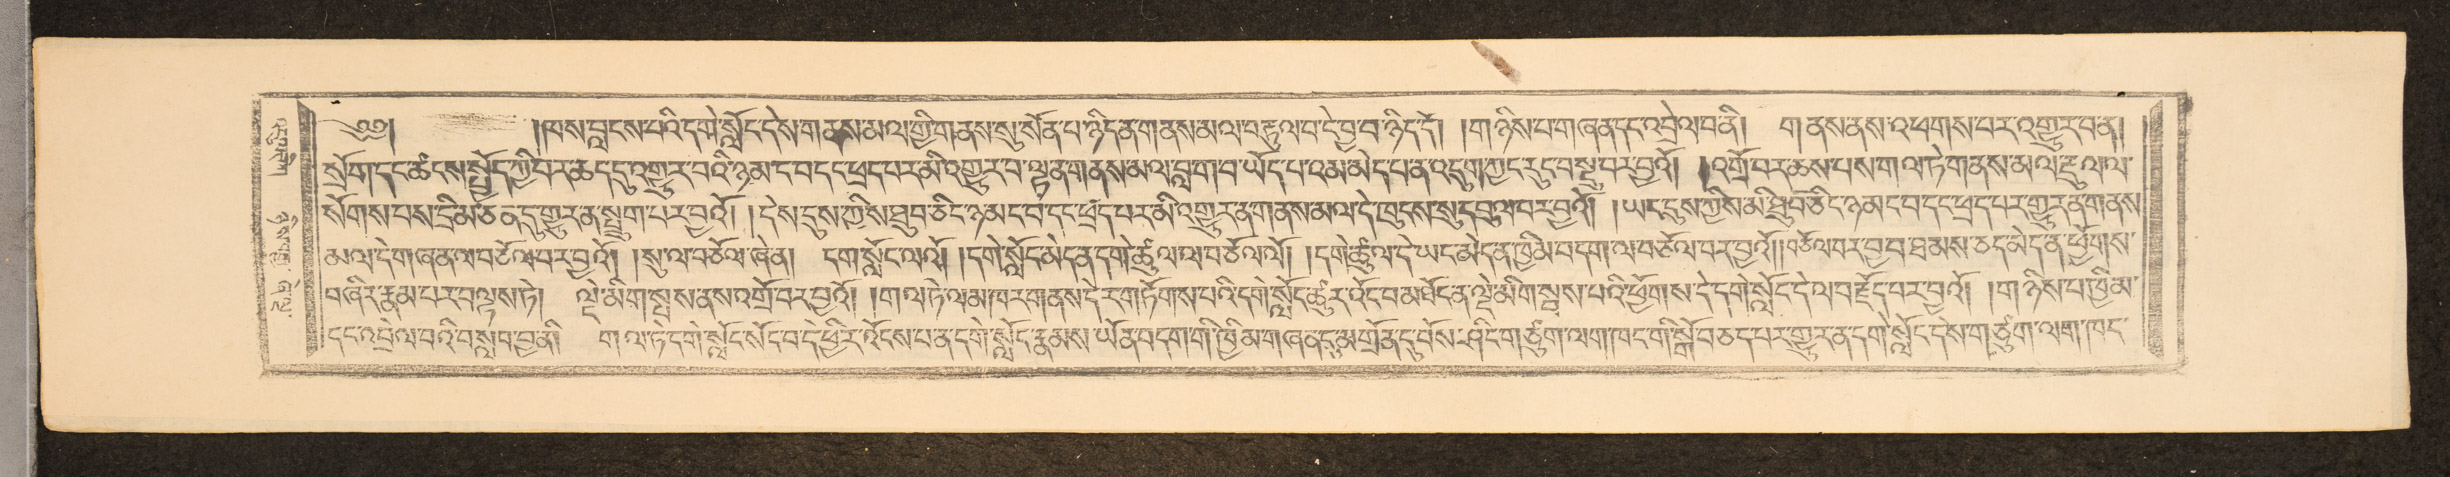༄༅། །ཁས་བླངས་པའི་དགེ་སློང་དེས་གནས་མལ་གྱི་གནས་སུ་སོན་པ་ཉིད་ན་གནས་མལ་བརྟུལ་བ་དེ་བྱ་བ་ཉིད་དོ། །གཉིས་པ་གཞན་དང་འབྲེལ་བ་ནི། གནས་ནས་འཕགས་པར་འགྱུར་བ་ན།
སྲོག་དང་ཚངས་སྤྱོད་ཀྱི་བར་ཆད་དུ་འགྱུར་བའི་ཉམ་ང་བ་དང་ཕྲད་པར་མི་འགྱུར་བ་ལྟ་ན་གནས་མལ་བླ་གབ་ཡོད་པ་འམ་མེད་པ་ན་འདུག་ཀྱང་རུང་བསྡུ་བར་བྱའོ། །འགྲོ་བར་ཆས་པས་གལ་ཏེ་གནས་མལ་རྡུལ་ལ་
སོགས་པས་དྲི་མ་ཅན་དུ་གྱུར་ན་སྦྲུག་པར་བྱའོ། །དེས་དུས་ཀྱིས་ཐུབ་ཅིང་ཉམ་ང་བ་དང་ཕྲད་པར་མི་འགྱུར་ན་གནས་མལ་དེ་ཁུངས་སུ་དབུལ་བར་བྱའོ། །ཡང་དུས་ཀྱིས་མི་ཐུབ་ཅིང་ཉམ་ང་བ་དང་ཕྲད་པར་གྱུར་ན་གནས་
མལ་དེ་གཞན་ལ་བཅོལ་བར་བྱའོ། །སུ་ལ་བཅོལ་ཞེ་ན། དགེ་སློང་ལའོ། །དགེ་སློང་མེད་ན་དགེ་ཚུལ་ལ་བཅོལ་ལོ། །དགེ་ཚུལ་དེ་ཡང་མེད་ན་ཁྱིམ་བདག་ལ་བཅོལ་བར་བྱའོ། །བཅོལ་བར་བྱ་བ་ཐམས་ཅད་མེད་ན་ཕྱོགས་
བཞིར་རྣམ་པར་བལྟས་ཏེ། ལྡེ་མིག་སྦས་ནས་འགྲོ་བར་བྱའོ། །གལ་ཏེ་ལམ་ཁར་གནས་དེར་གཏོགས་པའི་དགེ་སློང་ཚུར་འོང་བ་མཐོང་ན་ལྡེ་མིག་སྦས་པའི་ཕྱོགས་དེ་དགེ་སློང་དེ་ལ་བརྗོད་པར་བྱའོ། །གཉིས་པ་ཁྱིམ་
དང་འབྲེལ་བའི་བསླབ་བྱ་ནི། གལ་ཏེ་དགེ་སློང་སོང་བ་དེ་ཕྱིར་འོངས་པ་ན་དགེ་སློང་རྣམས་ཡོན་བདག་གི་ཁྱིམ་གཞན་དུ་མགྲོན་དུ་བོས་ཤིང་གཙུག་ལག་ཁང་གི་སྒོ་བཅད་པར་གྱུར་ན་དགེ་སློང་དེས་གཙུག་ལག་ཁང་